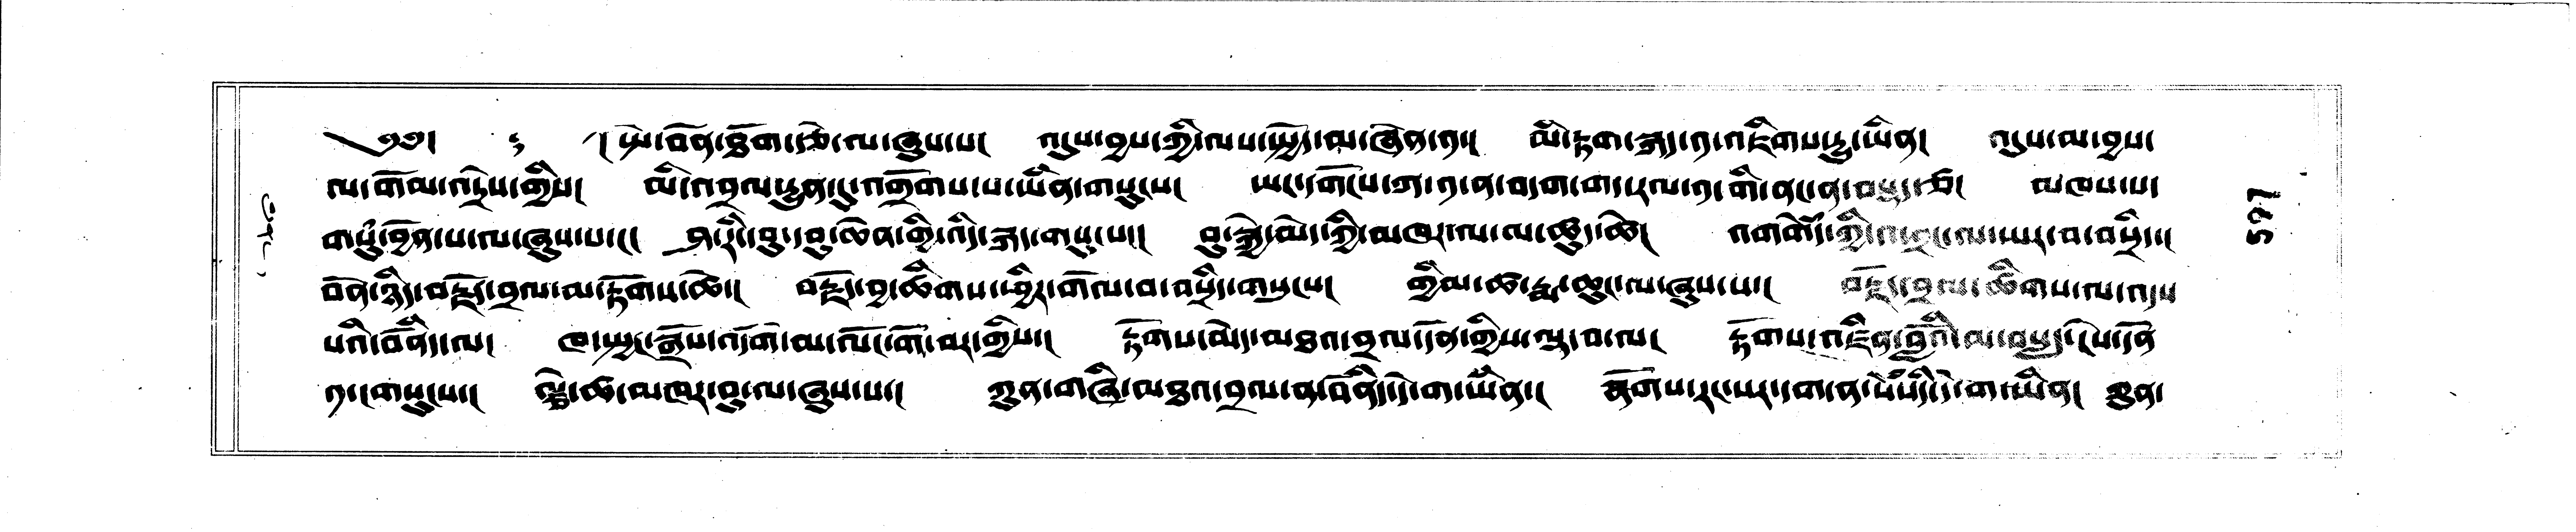སྤེ་”བོན”ཐོག་རྩེ་ལ་ཞུས་པས། བུ་འདུས་བྱས་ཀྱི་ལས་སྤྱོད་ལ་མ་ཞེན། མི་རྟག་སྐད་གཅིག་འཇིག་རྒྱུ་ཡིན། འདུས་མ་གནས་
ལ་གོམ་འདྲེས་གྱིས། མི་འབྲལ་རྒྱུན་དུ་འགྲོགས་པ་ཡིན་གསུངས། ཡང་རྒོང་ཀ་གཅིག་ལ་བདག་གད་རལ་གཅིག་ཏུ་བསྡད་ཙ། མཁས་པ་
མི་གསུམ་བྱོན་ལ་ཞུས་པས། ཤ་རི་དབུ་ཆེན་གྱི་འདི་སྐད་གསུངས། བུ་སྐྱེ་མེད་ཀྱི་མཁར་ལ་མ་ཚུད་ཚེ། འགག་མེད་ཀྱི་ཕྱམ་ལ་ཡར་བ་སྲིད། 
བོན་ཉིད་བརྗོད་བྲལ་མ་རྟོགས་ཚེ། བརྗོད་བྱ་ཚིག་ཕྱིར་གོལ་བ་སྲིད་གསུངས། གྱིམ་ཚ་རྨ་ཆུང་ལ་ཞུས་པ་ལ། བརྗོད་བྲལ་ཚིག་ལ་འདས་
པའི་བོན་ཉིད་ལ། ཁ་སྤྱང་སྒྲོས་འདོག་མ་མང་གོལ་༼ས༽ཡིན། རྟོག་མེད་མཐའ་བྲལ་དོན་གྱི་ལྟ་བ་ལ། རྟོག་འཛིན་བློའི་ངེས་དོན་མ་བསླད་མཛོད་
གསུངས། ལྕེ་རྩ་མཁར་བུ་ལ་ཞུས་པ། ཀུན་གཞི་མཐའ་དང་བྲལ་ན་བོན་སྐུ་དེ་ཀ་ཡིན། སྣ་ཚོགས་རང་སར་དག་ན་སེམས་ཉིད་དེ་ཀ་ཡིན། ཀུན་